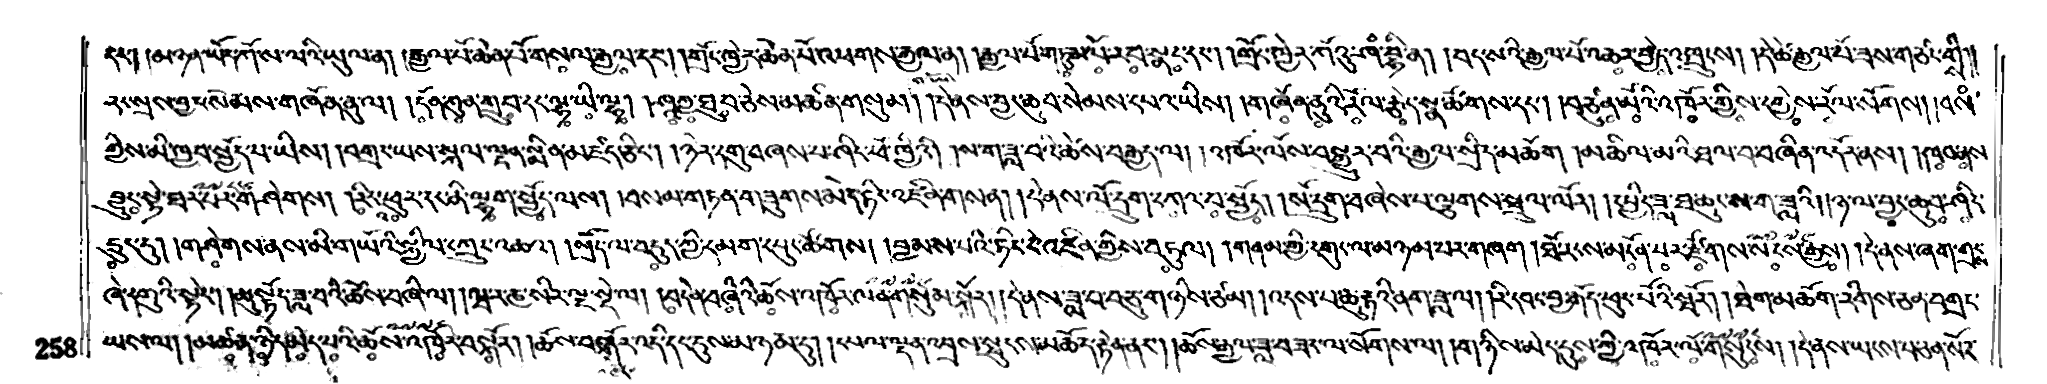དང་། །མཉན་ཡོད་ཀོ་ས་ལའི་ཡུལ་ན། །རྒྱལ་བོ་ཆེན་པོ་གསལ་རྒྱལ་དང་། །གྲོང་ཁྱེར་ཆེན་པོ་འཕགས་རྒྱལ་ན། །རྒྱལ་བོ་གཏུམ་པོ་རབ་སྣང་དང་། །གྲོང་ཁྱེར་ཀོའུ་ཤཾ་བྷི་ན། །བད་སའི་རྒྱལ་པོ་འཆར་བྱེད་འཁྲུངས། །དེ་ཚེ་རྒྱལ་བོ་ཟས་གཙང་གིས།།
རང་སྲས་བྱང་སེམས་གཞོན་ནུ་ལ། །དོན་ཀུན་གྲུབ་དང་ལྷ་ཡི་ལྷ། །ཤཱཀྱ་ཐུབ་ཅེས་མཚན་གསུམ་གཡོ། །དེ་ནས་བྱང་ཆུབ་སེམས་དཔའ་ཡིས། །གཞོན་ནུའི་རོལ་རྩེད་སྣ་ཚོགས་དང་། །བཙུན་མོའི་འཁོར་གྱིས་དགྱེས་རོལ་སོགས། །བསཾ་
གྱིས་མི་ཁྱབ་སྤྱོད་པ་ཡིས། །བགྲང་ཡས་སྐལ་ལྡན་སྨིན་མཛད་ཅིང་། །ཉེར་དགུ་བཞས་པ་ཤིང་ཕོ་ཁྱིའི། །ས་ག་ཟླ་བའི་ཚེས་བརྒྱད་ལ། །འཁོར་ལོས་བསྒྱུར་བའི་རྒྱལ་སྲིད་མཆོག །མཆིལ་མའི་ཐལ་བ་བཞིན་འདོར་ནས། །ཁབ་ནས་
བྱུང་སྟེ་ཐར་པར་གཤེགས། །རིང་ཕུར་དང་ནི་ལྷག་སྤྱོད་ལས། །བསམ་གཏན་གཟུགས་མེད་ཏིང་འཛིན་གསན། །དེ་ནས་ལོ་དྲུག་དཀའ་པ་སྤྱོད། །སོ་དྲུག་བཞེས་པ་ལྕགས་སྦྲུལ་ལོར། །དཔྱིད་ཟླ་ཐ་ཆུང་ས་ག་ཟླའི། །ཉ་ལ་བྱང་ཆུབ་ཤིད་
དྲུང་དུ། །གཤེགས་ནས་མི་གཡོའི་སྐྱིལ་དཀྲུང་འཆའ། །སྲོད་ལ་བདུད་ཀྱི་དམག་དཔུང་ཚོགས། །བྱམས་པའི་ཏིང་ངེ་འཛིན་གྱིས་བཏུལ། །གནམ་གྱི་དགུང་ལ་མཉམ་པར་གཞག །ཐོ་རངས་མངོན་པར་རྫོགས་སངས་རྒྱས། །དེ་ནས་ཞག་གྲངས་
ཞེ་དགུའི་སྟེང་། །ཆུ་སྟོད་ཟླ་བའི་ཆོས་བཞི་ལ། །ཝ་ར་ཎ་སིར་ལྔ་སྡེ་ལ། །བདེན་བཞིའི་ཆོས་འཁོར་ལན་གསུམ་སྐོར། །དེ་ནས་ཟླ་བ་བཅུ་གཉིས་ཙམ། །འདས་པ་ཆུ་རྟའི་ནག་ཟླ་ལ། །རི་དབང་བྱ་རྒོད་ཕུང་བོའི་སྤོར། །ཐེག་མཆོག་རིགས་ཅན་བགྲང་
ཡས་ལ། །མཚན་ཉིད་མེད་པའི་ཆོས་འཁོར་བསྐོར། །ཆོས་འཁོར་འདི་དང་དུས་མཉམ་དུ། །དཔལ་ལྡན་འབྲས་སྤུངས་མཆོད་རྟེན་ནང་། །ཆོས་རྒྱལ་ཟླ་བཟང་ལ་སོགས་ལ། །གཉིས་མེད་དུས་ཀྱི་འཁོར་ལོ་གསུངས། །དེ་ནས་ཡངས་པ་ཅན་སོང་